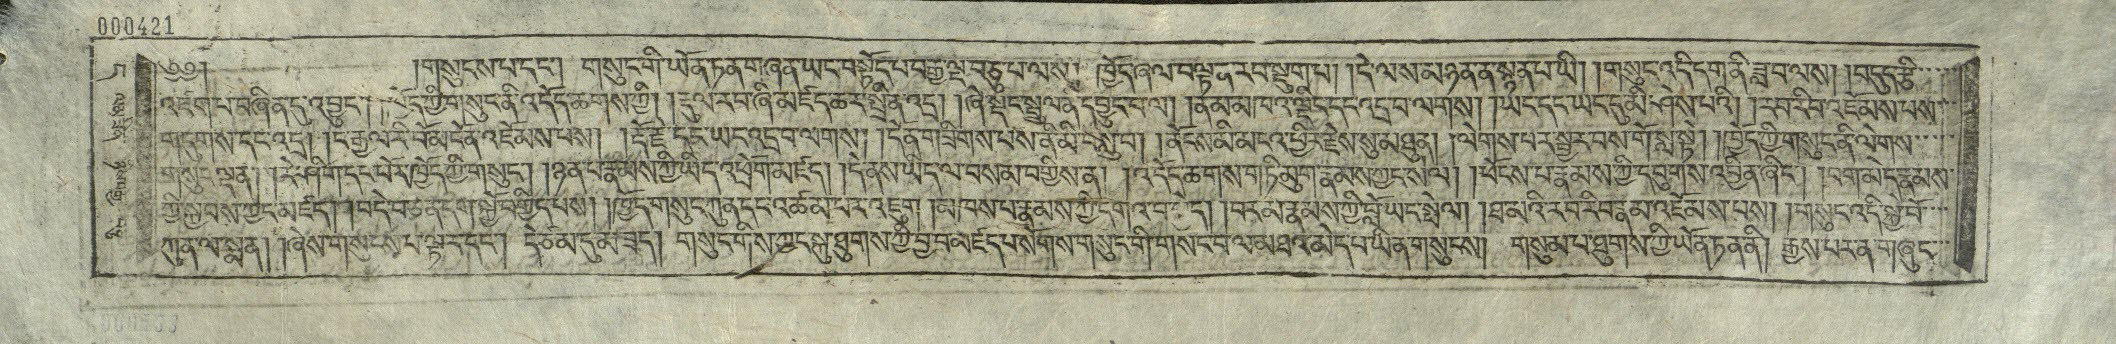༄༅། །གསུངས་པ་དང་། གསུང་གི་ཡོན་ཏན་གཞན་ཡང་བསྟོད་པ་བརྒྱ་ལྔ་བཅུ་པ་ལས། ཁྱོད་ཞལ་བལྟ་ན་རབ་སྡུག་པ། །དེ་ལས་མཉན་ན་སྙན་པ་ཡི། །གསུང་འདི་དག་ནི་ཟླ་བ་ལས། །བདུད་རྩི་
འཛག་པ་བཞིན་དུ་འབྱུང་། །ཁྱོད་ཀྱི་གསུང་ནི་འདོད་ཆགས་ཀྱི། །རྡུལ་རབ་ཞི་མཛད་ཆར་སྤྲིན་འདྲ། །ཞེ་སྡང་སྦྲུལ་ནི་དབྱུང་བ་ལ། །ནམ་མཁའ་ལྡིང་དང་འདྲ་བ་ལགས། །ཡང་དང་ཡང་དུ་མི་ཤེས་པའི། །རབ་རིབ་འཇོམས་པས་
གདུགས་དང་འདྲ། །ང་རྒྱལ་རི་བོ་མངོན་འཇོམས་པས། །རྡོ་རྗེ་དང་ཡང་འདྲ་བ་ལགས། །དོན་གཟིགས་པས་ནི་མི་བསླུ་བ། །ནོངས་མི་མངའ་ཕྱིར་རྗེས་སུ་མཐུན། །ལེགས་པར་སྦྱར་བས་གོ་སླ་སྟེ། །ཁྱོད་ཀྱི་གསུང་ནི་ལེགས་
གསུང་ལྡན། །རེ་ཤིག་དང་པོར་ཁྱོད་ཀྱི་གསུང་། །ཉན་པ་རྣམས་ཀྱི་ཡིད་འཕྲོག་མཛད། །དེ་ནས་ཡིད་ལ་བསམ་བགྱིས་ན། །འདོད་ཆགས་གཏི་མུག་རྣམས་ཀྱང་སེལ། །ཕོངས་པ་རྣམས་ཀྱི་དབུགས་འབྱིན་ཞིང་། །བག་མེད་རྣམས་
ཀྱི་སྐྱབས་ཀྱང་མཛད། །བདེ་བ་ཅན་དག་སྐྱོ་བགྱིད་པས། །ཁྱོད་གསུང་ཀུན་དང་འཚམ་པར་འཇུག །མཁས་པ་རྣམས་ཀྱི་དགའ་བ་སྐྱེད། །བར་མ་རྣམས་ཀྱི་བློ་ཡང་སྤེལ། །ཐ་མའི་རབ་རིབ་རྣམ་འཇོམས་པས། །གསུང་འདི་སྐྱེ་བོ་
ཀུན་ལ་སྨན། །ཞེས་གསུངས་པ་ལྟར་དང་། དེ་ཙམ་དུ་མ་ཟད། གསུང་གིས་ཀྱང་སྐུ་ཐུགས་ཀྱི་བྱ་བ་མཛད་པ་སོགས་གསུང་གི་གསང་བ་ལ་མཐའ་མེད་པ་ཡིན་གསུངས། གསུམ་པ་ཐུགས་ཀྱི་ཡོན་ཏན་ནི། རྒྱས་པར་ན་གཞུང་